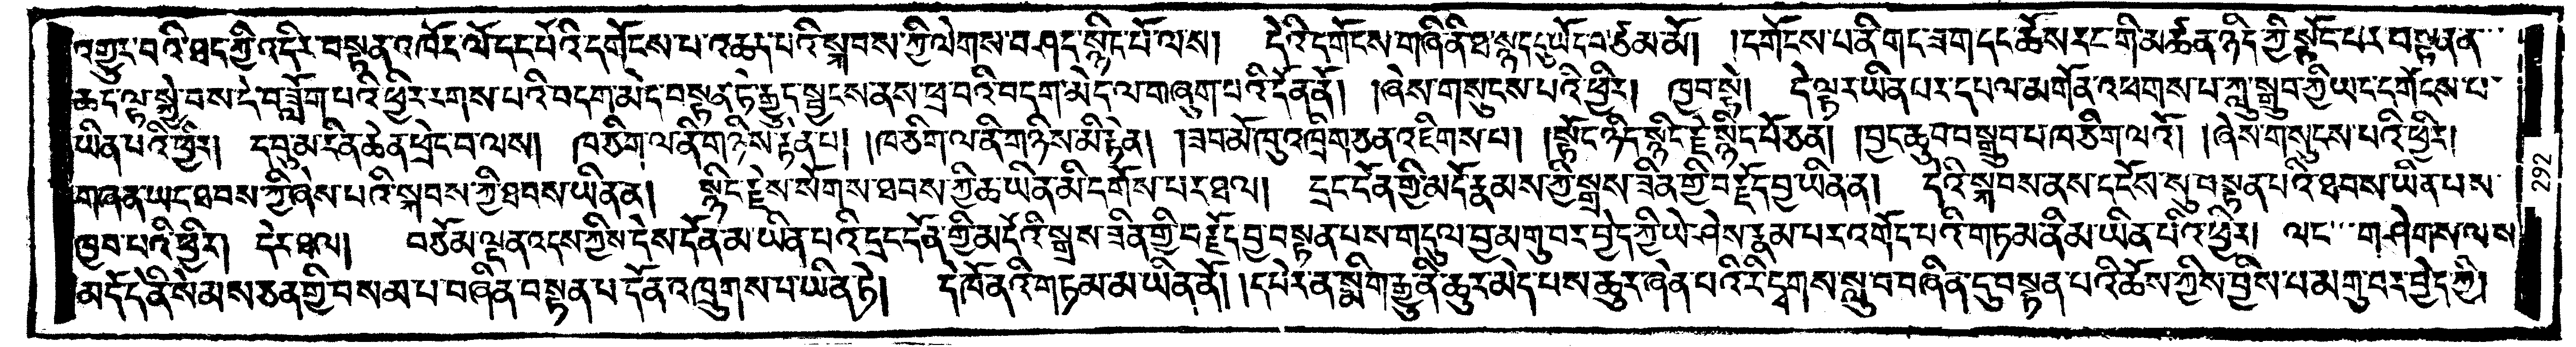འགྱུར་བའི་ཐད་ཀྱི་འདིར་བསྟན་འཁོར་ལོ་དང་པོའི་དགོངས་པ་འཆད་པའི་སྐབས་ཀྱི་ལེགས་བཤད་སྙིང་པོ་ལས། དེའི་དགོངས་གཞི་ནི་ཐ་སྙད་དུ་ཡོད་པ་ཙམ་མོ། །དགོངས་པ་ནི་གང་ཟག་དང་ཆོས་རང་གི་མཚན་ཉིད་ཀྱི་སྟོང་པར་བསྟན་ན་
ཆད་ལྟ་སྐྱེ་བས་དེ་བཟློག་པའི་ཕྱིར་རགས་པའི་བདག་མེད་བསྟན་ཏེ་རྒྱུད་སྦྱངས་ནས་ཕྲ་བའི་བདག་མེད་ལ་གཞུག་པའི་དོན་ནོ། །ཞེས་གསུངས་པའི་ཕྱིར། ཁྱབ་སྟེ། དེ་ལྟར་ཡིན་པར་དཔལ་མགོན་འཕགས་པ་ཀླུ་སྒྲུབ་ཀྱི་ཡང་དགོངས་པ་
ཡིན་པའི་ཕྱིར། དབུ་མ་རིན་ཆེན་ཕྲེང་བ་ལས། ཁ་ཅིག་ལ་ནི་གཉིས་རྟེན་པ། །ཁ་ཅིག་ལ་ནི་གཉིས་མི་རྟེན། །ཟབ་མོ་ཁུ་འཁྲིག་ཅན་འཇིགས་པ། །སྟོང་ཉིད་སྙིང་རྗེ་སྙིང་པོ་ཅན། །བྱང་ཆུབ་བསྒྲུབ་པ་ཁ་ཅིག་ལའོ། །ཞེས་གསུངས་པའི་ཕྱིར།
གཞན་ཡང་ཐབས་ཀྱི་ཞེས་པའི་སྐབས་ཀྱི་ཐབས་ཡིན་ན། སྙིང་རྗེས་སོགས་ཐབས་ཀྱི་ཆ་ཡིན་མི་དགོས་པར་ཐལ། དྲང་དོན་གྱི་མདོ་རྣམས་ཀྱི་སྒྲས་ཟིན་གྱི་བརྗོད་བྱ་ཡིན་ན། དེའི་སྐབས་ནས་དངོས་སུ་བསྟན་པའི་ཐབས་ཡིན་པས་
ཁྱབ་པའི་ཕྱིར། དེར་ཐལ། བཅོམ་ལྡན་འདས་ཀྱིས་དེས་དོན་མ་ཡིན་པའི་དྲང་དོན་གྱི་མདོའི་སྒྲས་ཟིན་གྱི་བརྗོད་བྱ་བསྟན་པས་གདུལ་བྱ་མགུ་བར་བྱེད་ཀྱི་ཡེ་ཤེས་རྣམ་པར་འགོང་པའི་གཏམ་ནི་མ་ཡིན་པའི་ཕྱིར། ལང་གཤེགས་ལས་
མདོ་དེ་ནི་སེམས་ཅན་གྱི་བསམ་པ་བཞིན་བསྟན་པ་དོན་འཁྲུགས་པ་ཡིན་ཏེ། དེ་ཁོ་ནའི་གཏམ་མ་ཡིན་ནོ། །དཔེར་ན་སྨིག་རྒྱུ་ནི་ཆུར་མེད་པས་ཆུར་ཞེན་པའི་རི་དྭགས་སླུ་བ་བཞིན་དུ་བསྟན་པའི་ཆོས་ཀྱིས་བྱིས་པ་མགུ་བར་བྱེད་ཀྱི།